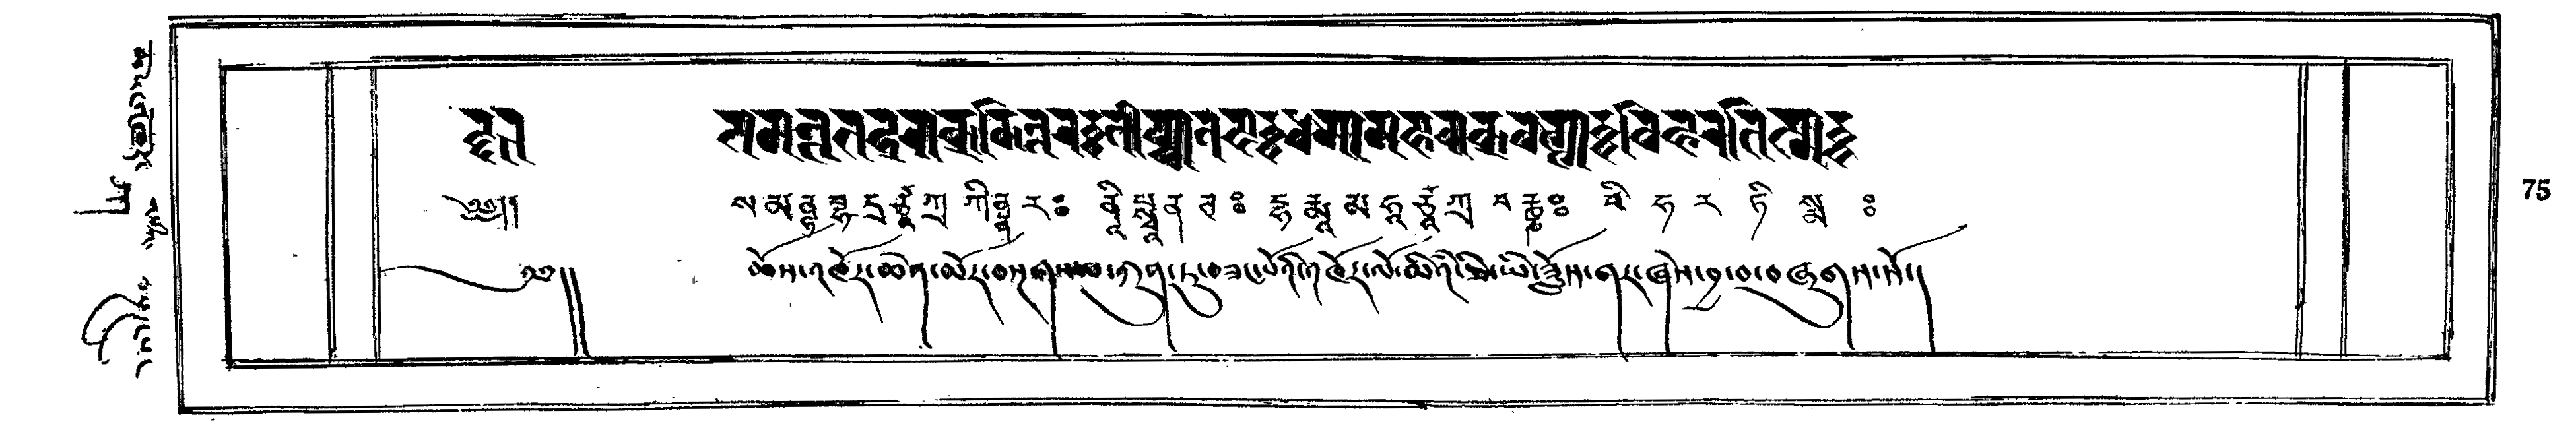ཆོས་འཁོར་ཆེན་མོར་བསྔགས་པ་ཀུན་ཏུ་བཟང་པོའི་འཁོར་ལོ་མིའམ་ཅི་ཡི་ཟློས་གར་ཞེས་བྱ་བ་བཞུགས་སོ། །